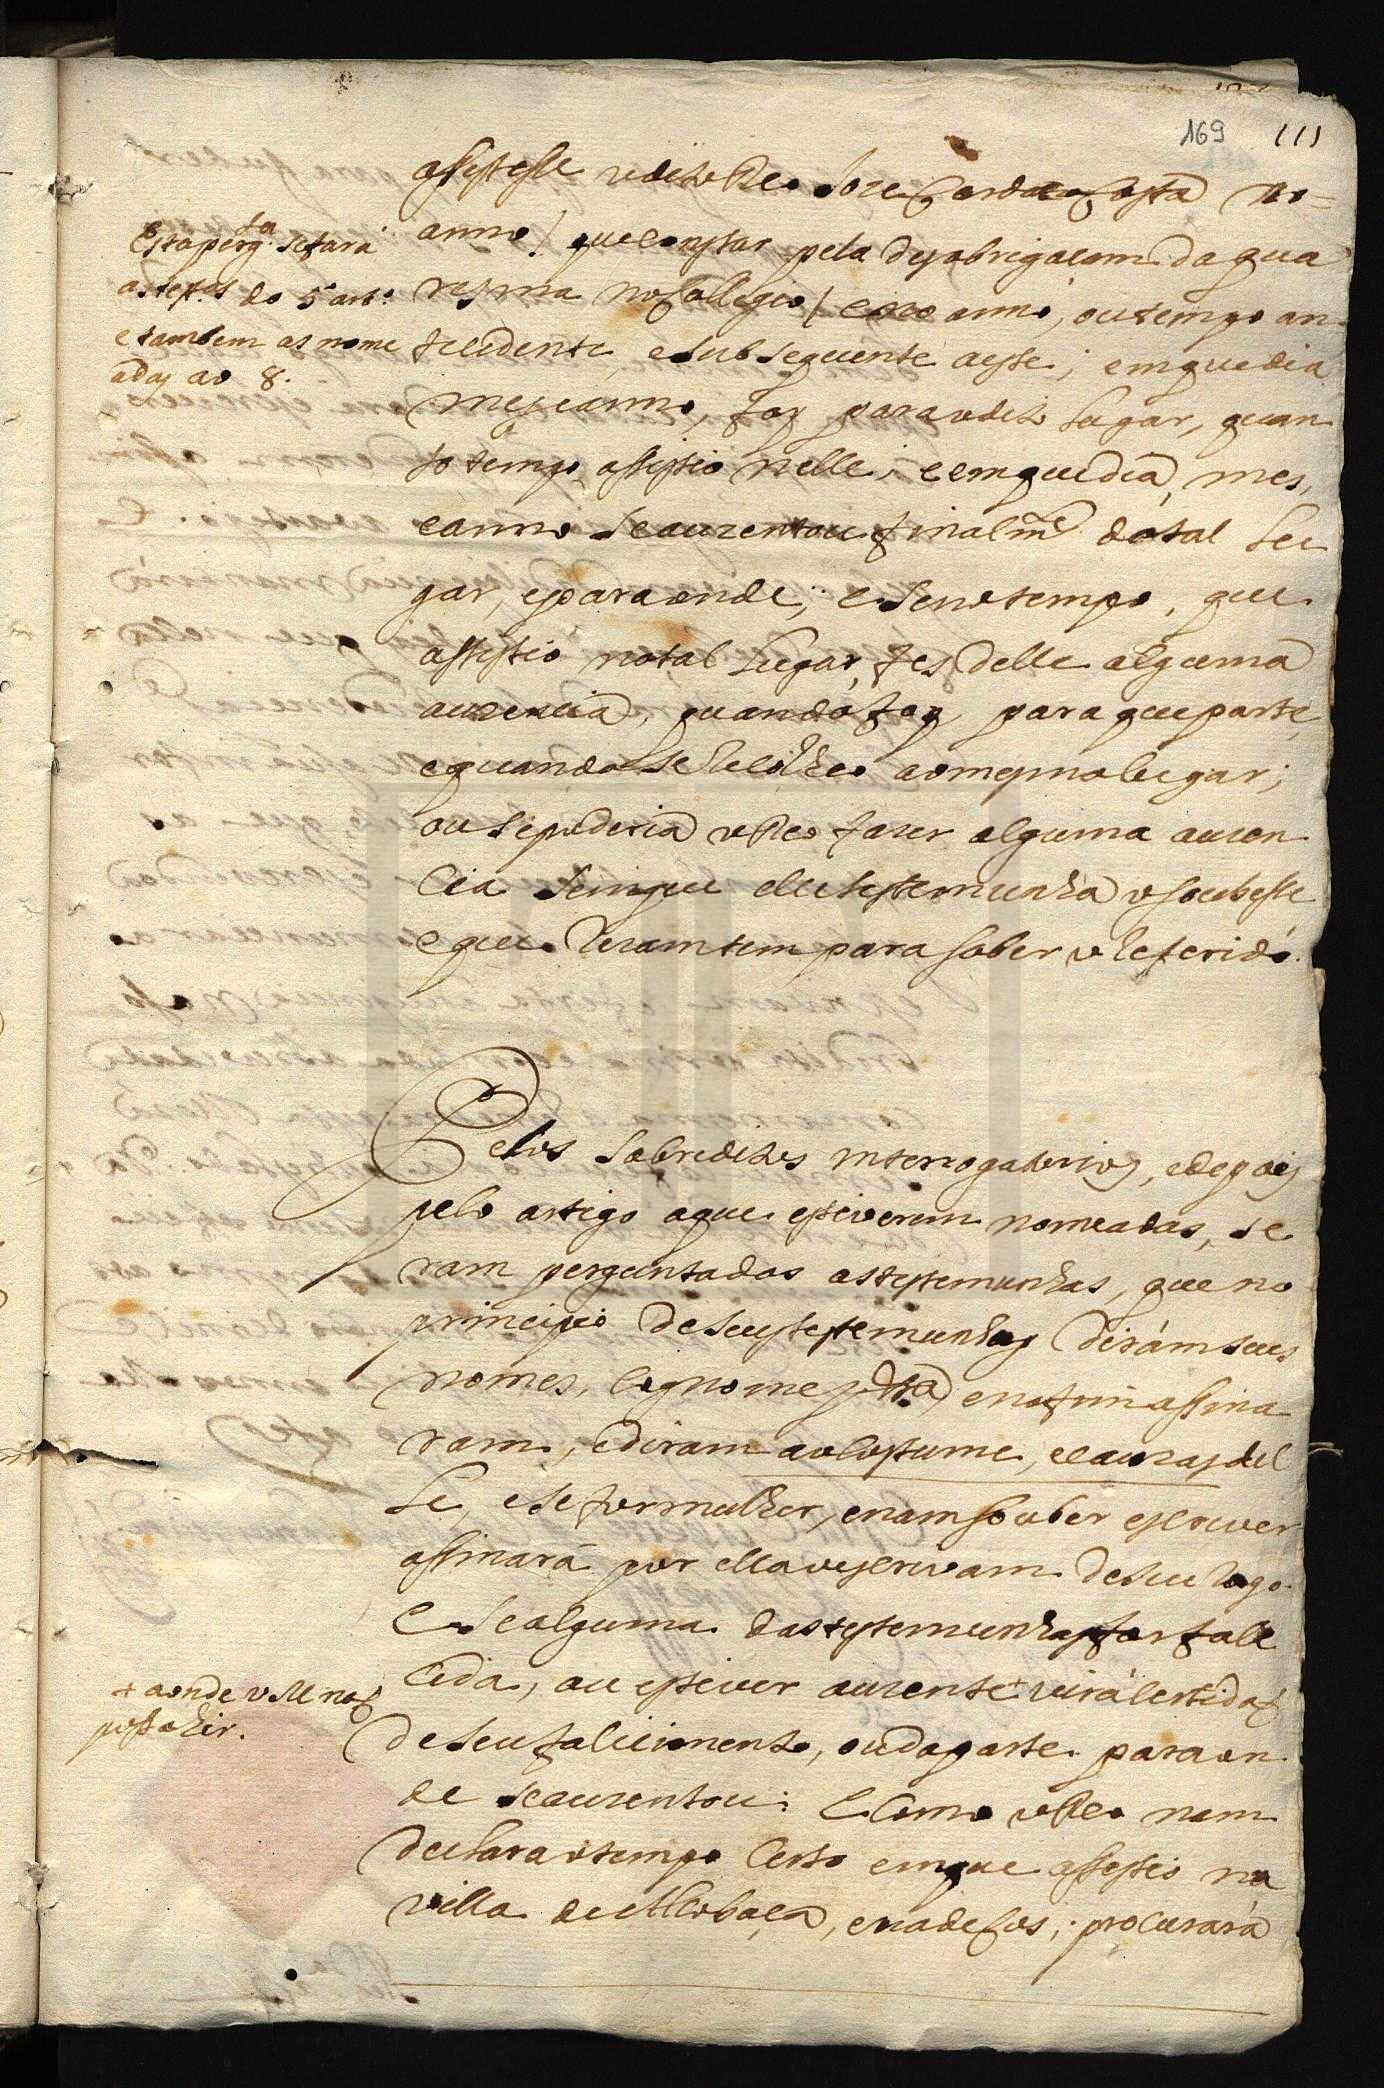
Esta perg.ta se fará
as test.as do 5.o art.o
e tambem as nome
adas ao 8.
+ aonde v M naõ
possa hir.
assistesse o dito Reo Ioze Cardozo Costa no
anno / que constar pela desobrigaçam da qua
resma no Collegio / e no anno, ou tempo an
tecedente, e subsequente a este; em que dia
mes e anno, foy para o dito lugar, quan
to tempo assistio nelle, e em que dia, mes,
e anno se auzentou finalmte do tal Lu
gar, e para onde; e se no tempo, que
assistio no tal Lugar, fes delle alguma
auzencia, quando fez, para que parte
e quando se Recolheo ao mesmo lugar;
ou se puderia o Reo fazer alguma auzen
cia sem que elle testemunha o soubesse
e que Rezam tem para saber o Referido.
Pelos sobreditos interrogatorios, e depois
pelo artigo a que estiverem nomeadas, se
ram perguntadas as testemunhas, que no
principio de seus testemunhos dirám seus
nomes, cognomes &ra, e no fim assina
ram, e diram ao costume e cauzas del
le e se for mulher, e nam souber escrever
assinará por ella o escrivam de seu Rogo
e se alguma das testemunhas for fale
cida, ou estever auzente virá certidaõ
de seu falecimento, ou da parte para on
de se auzentou: e como o Reo nam
declara o tempo certo em que assestio na
villa de Alcobaça, e na de Cos; procurará
